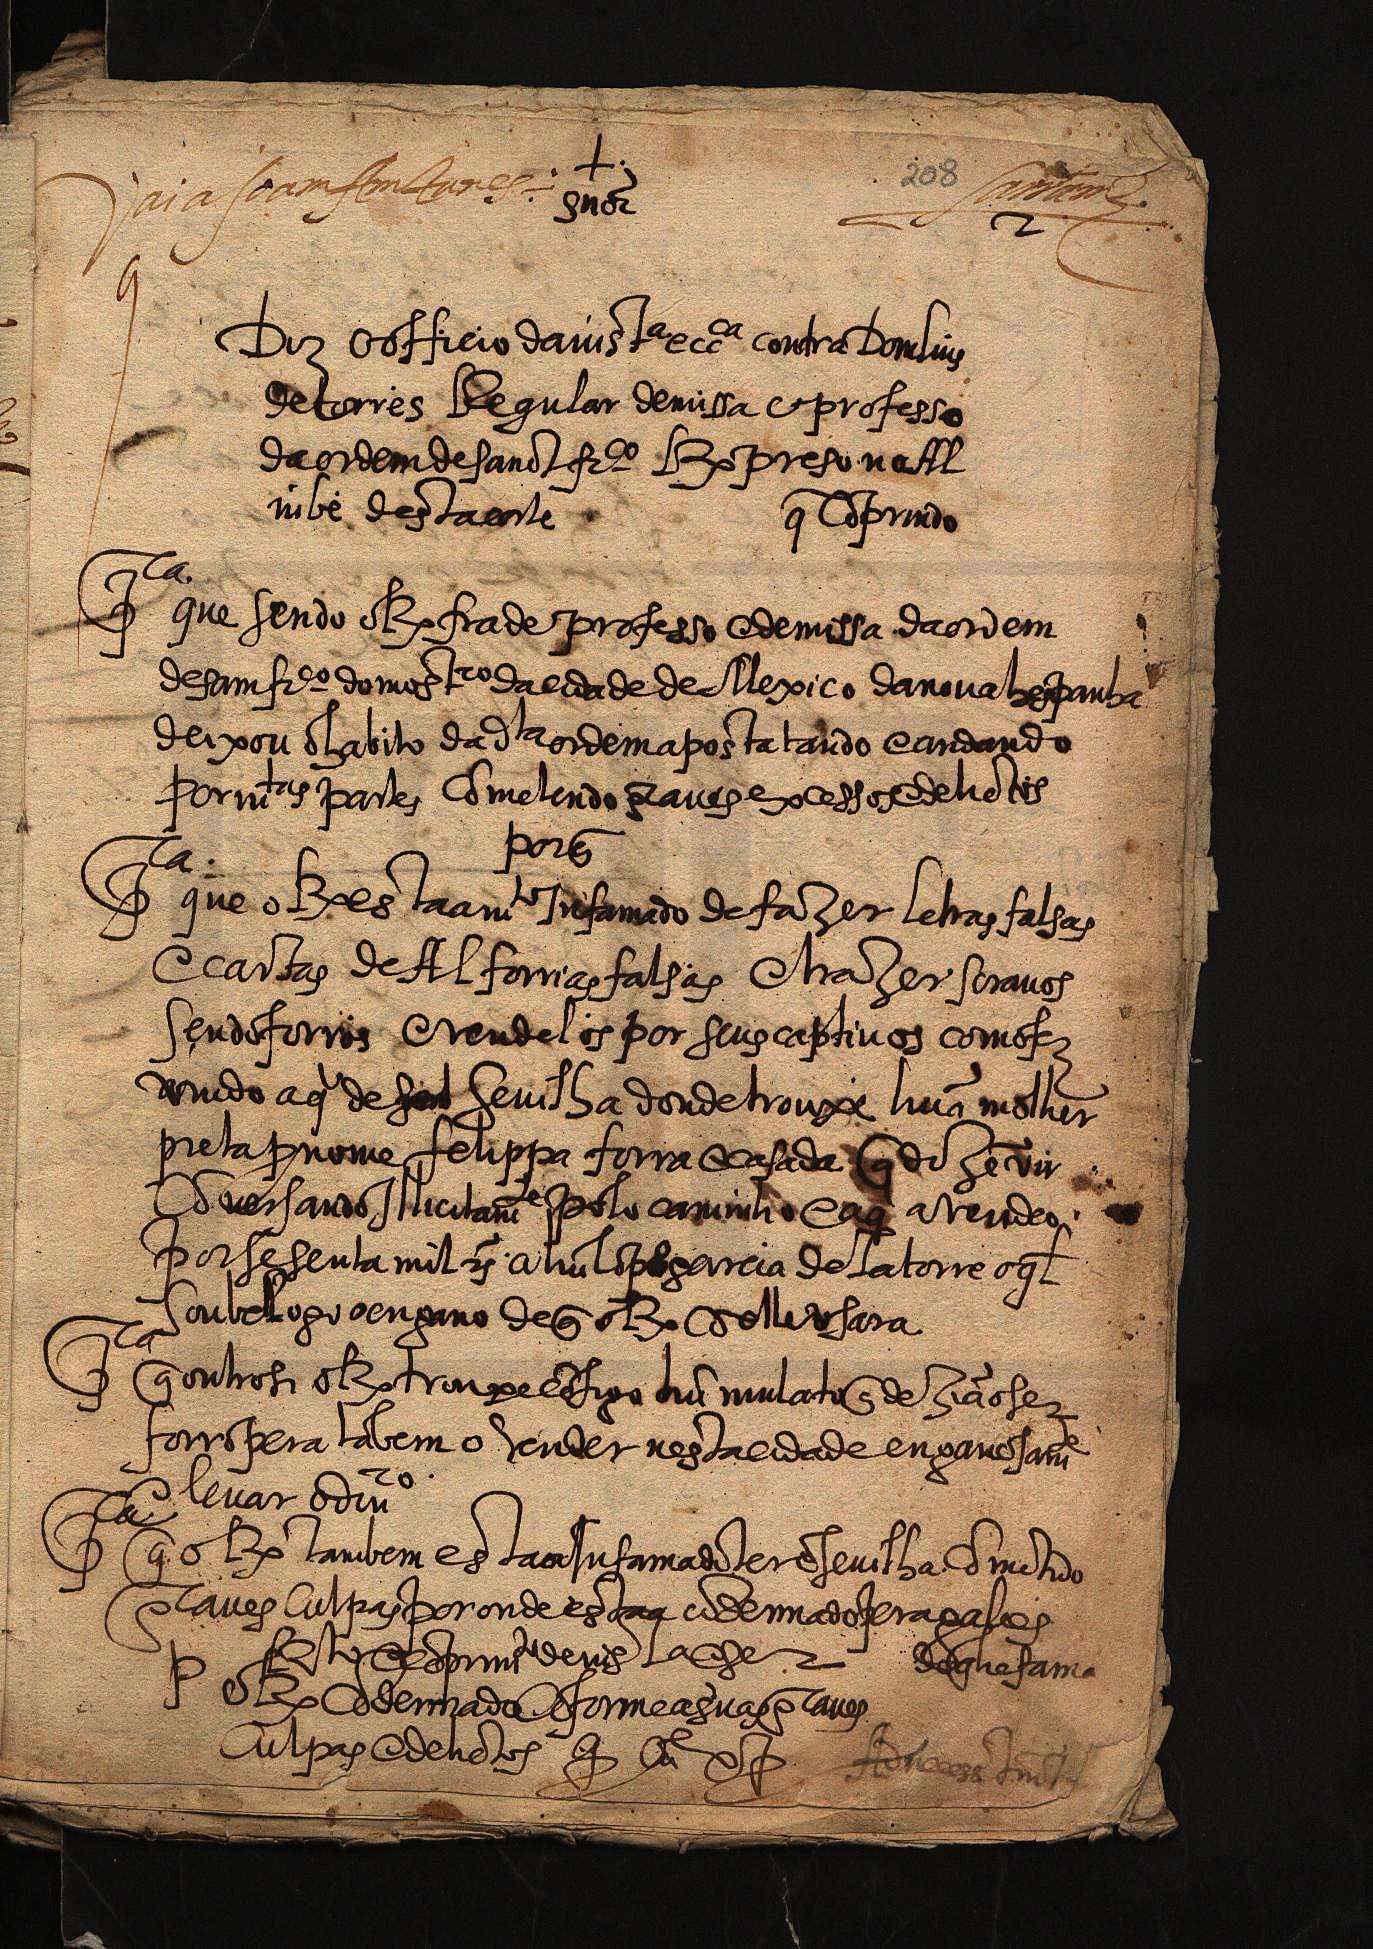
Sarram
2
Vai a Joam Amtunes
Snōr
Diz o officio da iusta eccca contra Dom luis
de torres Regular de missa e professo
da ordem de sanct frco Rꝭ preso no Al
iube desta corte
q̄ Cōprindo
p̄ra que sendo o Rꝭ frade professo e de missa da ordem
de sam frco do mostro da cidade de Mexico da noua hespanha
deixou o habito da dta ordem apostatando e andando
por mtas partes cōmetendo graues excessos e delictos
porq̄
p̄ra que o Rꝭ estaa mto Infamado de fazer letras falsas
e cartas de Alforrias falsas e trazer scrauos
sendo forros e vendelos por seus captiuos como fez
vindo aqi de _ seuilha donde trouxe huā molher
preta ꝑ nome felippa forra e casada q̄ dizē vir
Cōuersando Jllicitamte polo caminho e aq̄ a vendeo
por sesenta mil r̄s a hū lopo garcia de la torre o q̄l
Soube logo o engano de q̄ o Rꝭ cō elle vsara
p̄ra q̄ outrosi o Rꝭ trouxe cōsigo hū mulato q̄ dezião ser
forro pera tābem o vender nesta cidade enganosamte
e leuar o dinro
p̄ra q̄ o Rꝭ tambem estaa Jnfamado ter ē seuilha cōmetido
graues Culpas por onde estaa cōdennado pera gales
Rto e cōprimto de iusta e ser
do q̄ he fama
P o Rꝭ Cōdennado Cōforme a suas graues
Culpas e delictos ꝗ cū xꝓ
Ad necess Iust
